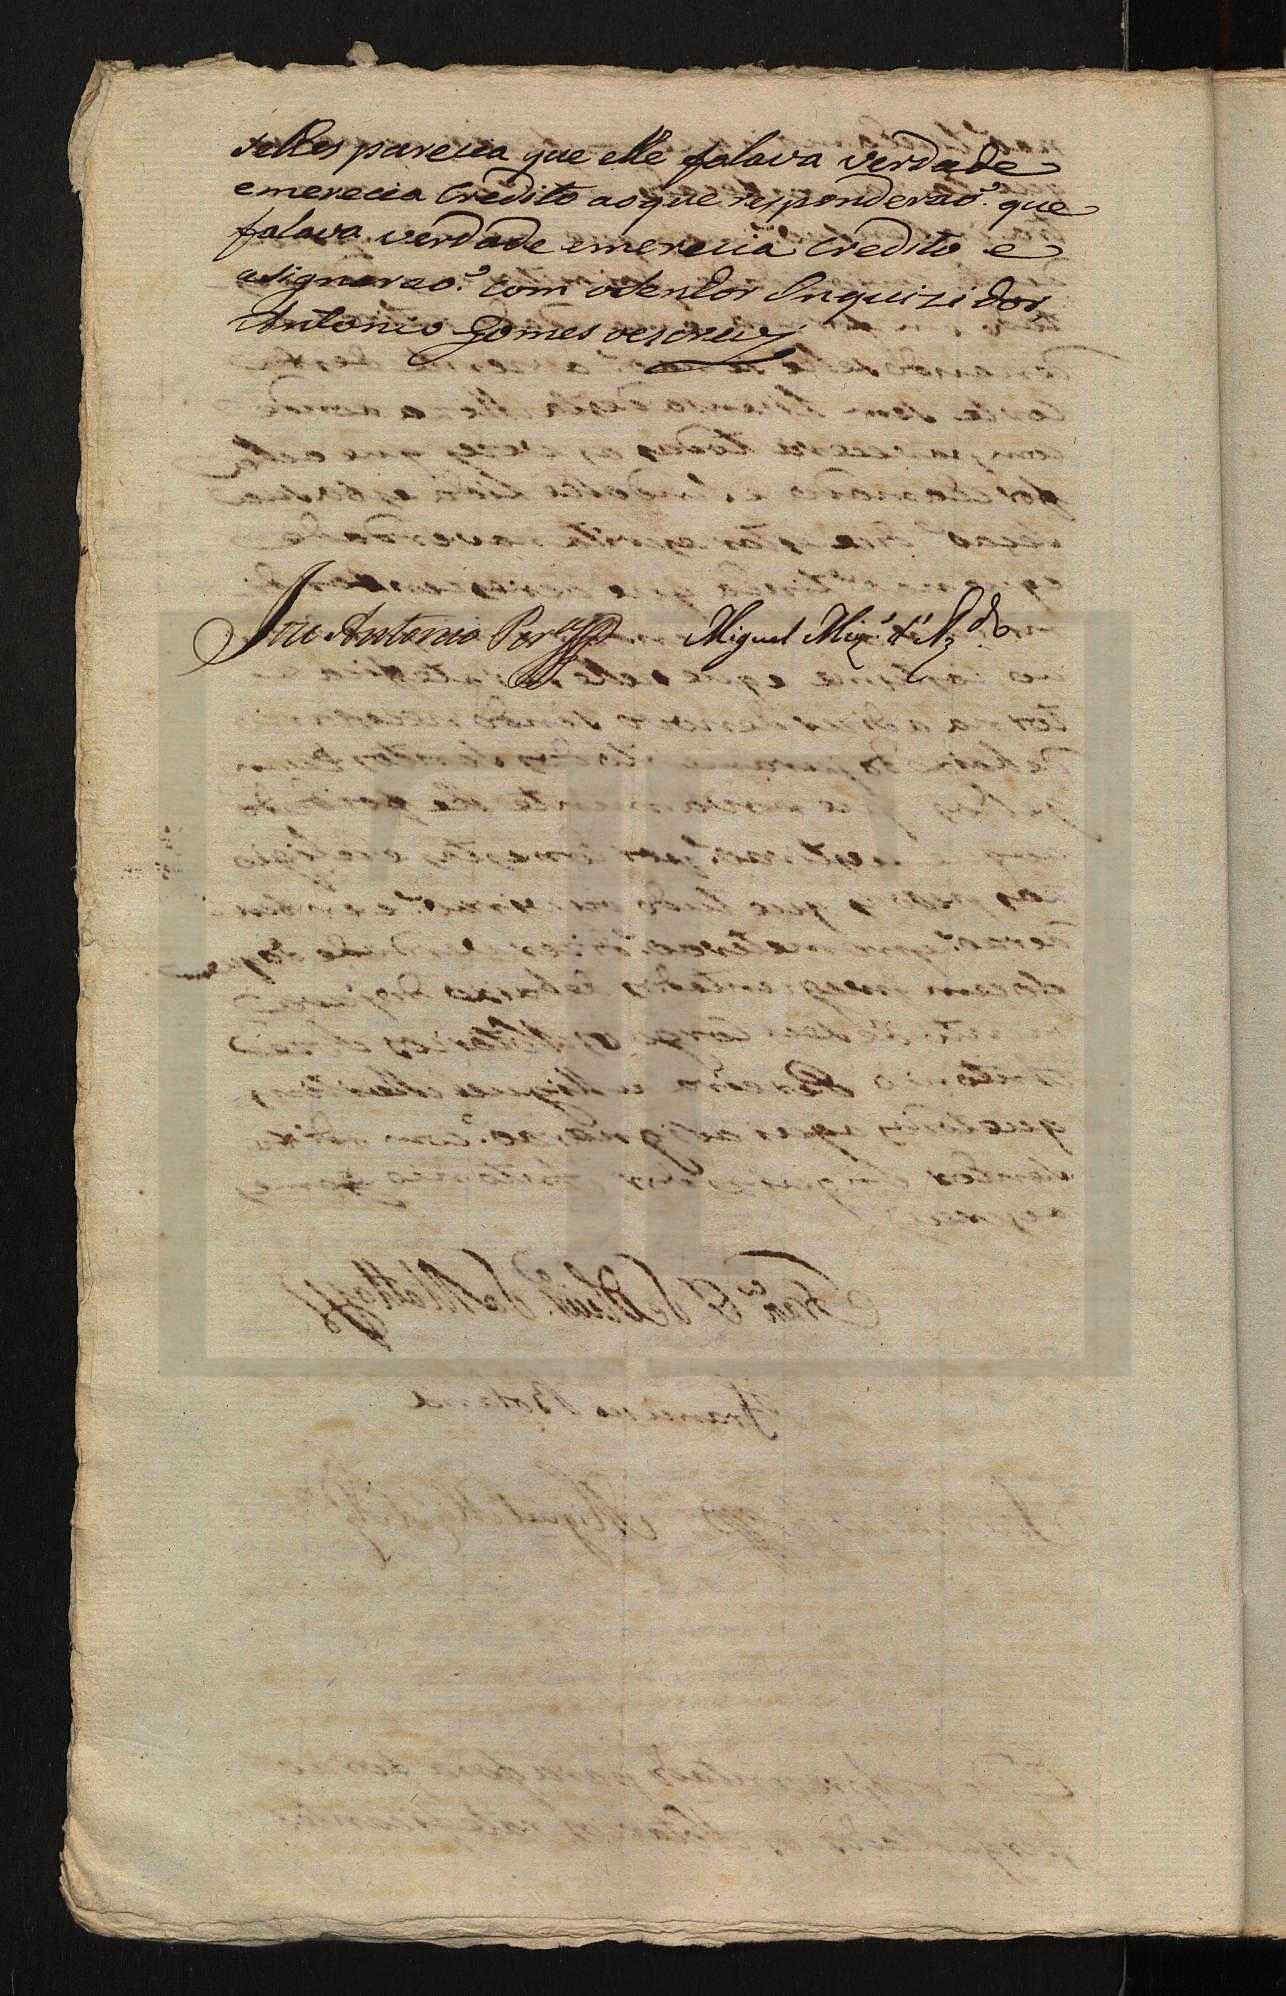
se lhes parecia que elle falava verdade
e merecia credito ao que responderaõ que
falava verdade e merecia credito e
asignaraõ com o Senhor Inquizidor,
Antonio Gomes o escrevj
Joze Antonio Per.a Miguel Miz̄ d'Az.do
